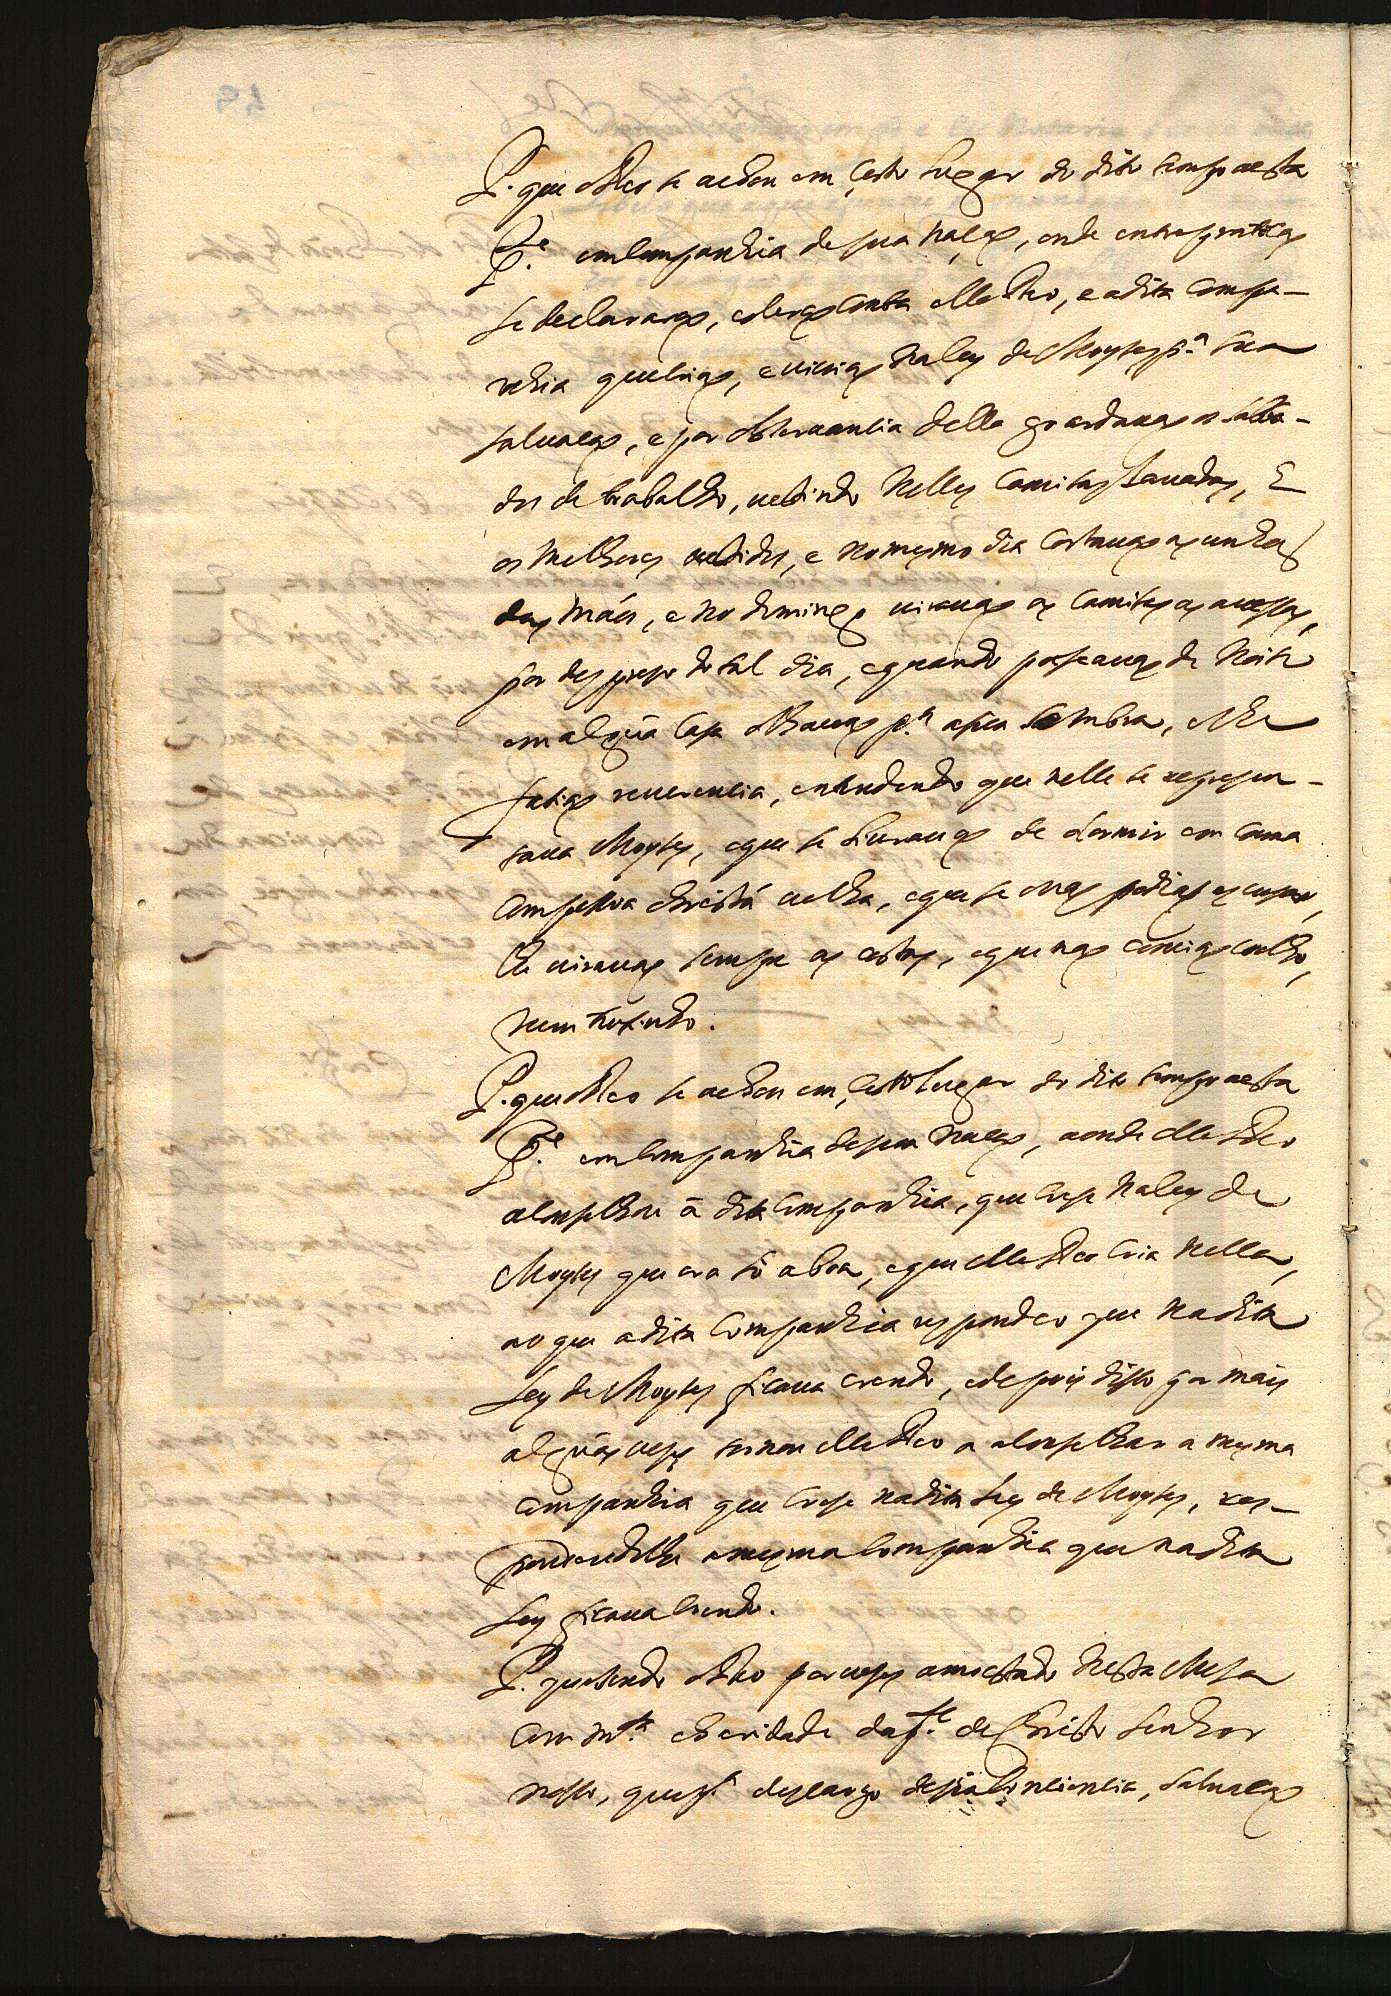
P. que o Reo se achou em certo lugar do dito tempo a esta
p.te em companhia de sua naçaõ, onde entre praticas
se declararaõ, e deraõ conta elle Reo, e a dita compa
nhia que criaõ, e uiuiaõ na ley de Moyses p.a sua
saluaçaõ, e por obseruancia della goardauaõ os sabba
dos de trabalho, uestindo nelles camisas lauadas, E
os melhores uestidos, e no mesmo dia cortauaõ as unhas
das maõs, e no domingo uirauaõ as camisas as auessas,
por desprezo do tal dia, e quando paseauaõ de noite
em alguā casa olhauaõ p.a a sua sombra, e lhe
fasiaõ reuerencia, entendendo que nelle se represen
taua Moyses, e que se liurauaõ de dormir em cama
com pessoa christã uelha, e que se o naõ podiaõ escusar,
lhe uirauaõ sempre as costas, e que naõ comiaõ coelho,
nem tousinho.
P. que o Reo se achou, em certo lugar do dito tempo a esta
pt.e em companhia de sua naçaõ, aonde elle Reo
aconselhou à dita companhia, que crese na ley de
Moyses que era só a boa, e que elle Reo cria nella,
ao que a dita companhia respondeo que na dita
Ley de Moyses ficaua crendo, e depois disso q̄ a mais
alguās ueses tornou elle Reo a aconselhar a mesma
companhia que crese na dita Ley de Moyses, res
pondendolhe a mesma companhia que na dita
Ley ficaua crendo.
P. que sendo o Reo por ueses amoestado nesta Mesa
com m.ta charidade da p.te de Christo Senhor
nosso, que p.a descargo dessa conciencia, saluaçaõ
